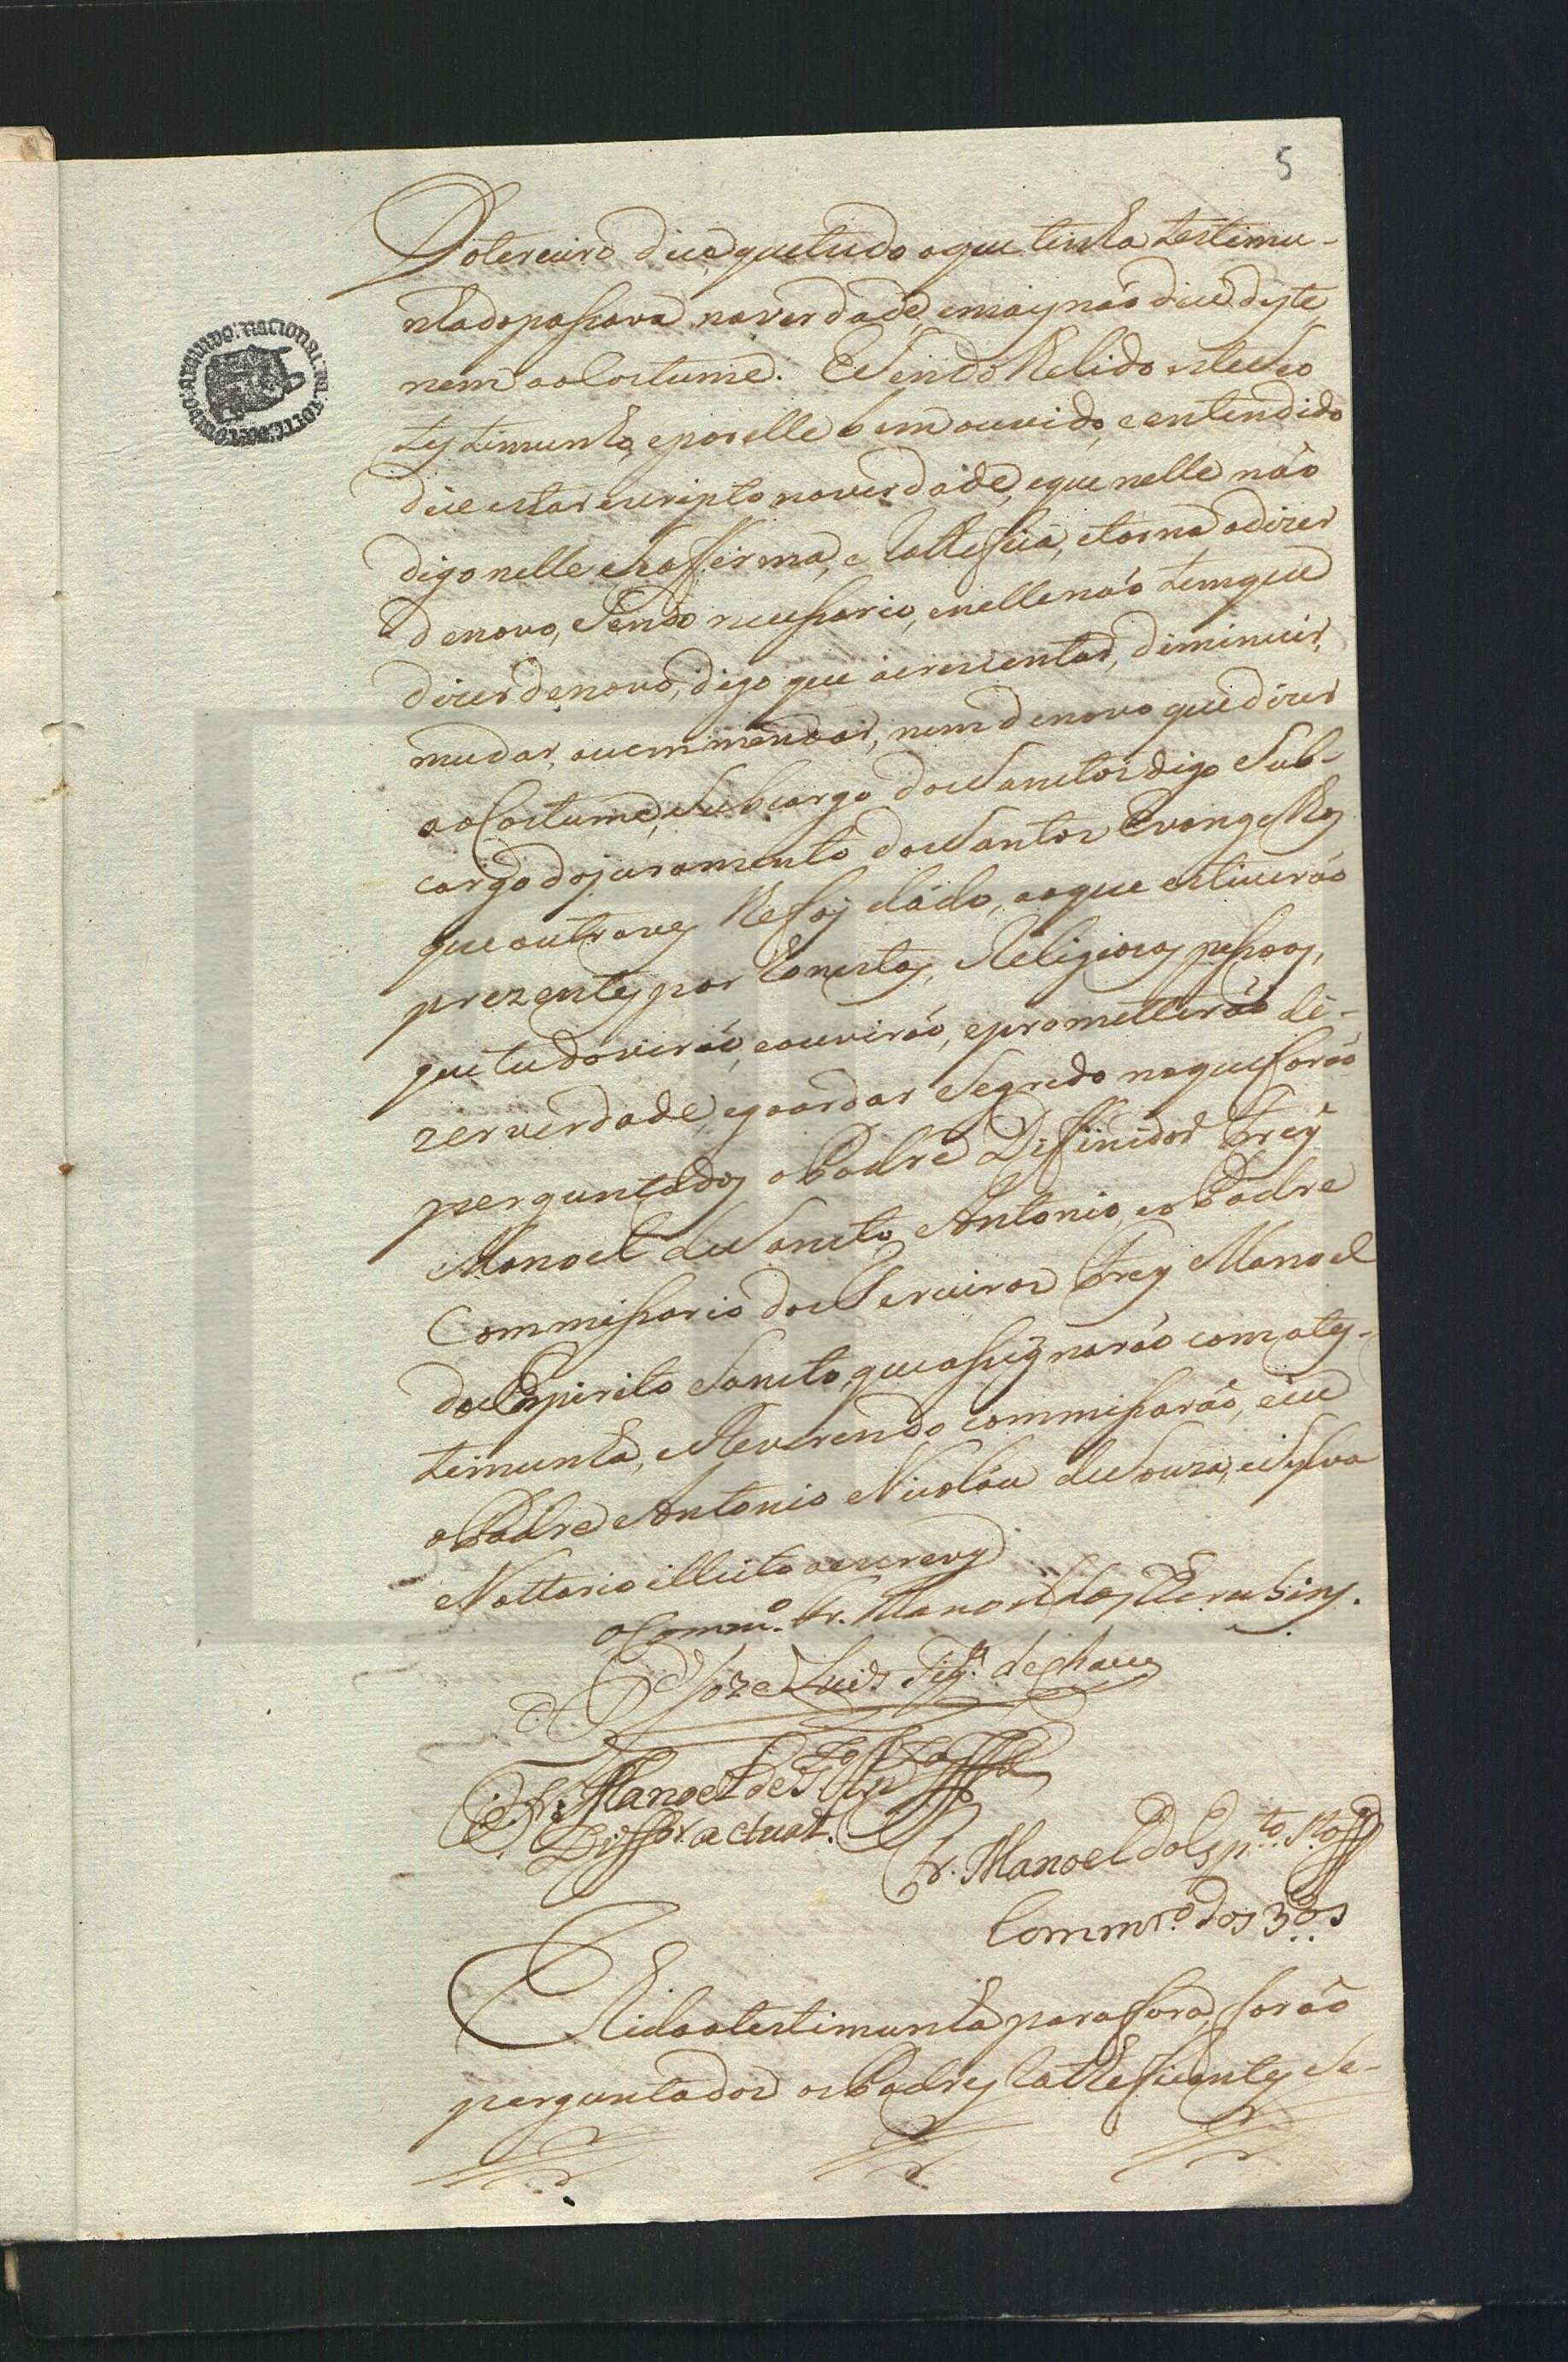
Do terceiro diçe que tudo o que tinha testimu
nhado passava na verdade, e mais naõ dice deste,
nem ao Costume. E Sendo lhe lido este Seo
testimunho, e por elle bem ouvido, e entendido
dice estar escripto na verdade, e que nelle não
digo nelle Se affirma, e Rathefica, e torna a dizer
de novo, Sendo necessario, e nelle naõ tem que
dizer de nouo, digo que acrescentar, diminuir,
mudar, ou emmendar, nem de novo que dizer
ao Costume, Sub cargo dos Sanctos digo Sub
cargo do juramento dos Santos Evangelhos
que outra ves lhe foj dádo, ao que estiueraõ
prezentes por honestas, Religiozas pessoas,
que tudo viraõ, e ouviraõ, e prometterão di
zer uerdade, e goardar Segredo no que foraõ
perguntados o Padre Diffinidor Freŷ
Manoel de Sancto Antonio, e o Padre
Commissario dos Terceiros Frey Manoel
do Espirito Sancto, que assignaraõ com a tes
timunha, e Reverendo commissaraõ, e eu
o Padre Antonio Nicoláu de Souza, e Sylva
Nottario illeito o escrevy
O Comm.o Fr. Manoel dos Cherubins.
o Pe Joze Luiz Fig.a de Chaves
Pe fr. Manoel de S.to Anto
Diffor actual
Fr. Manoel do Esp.to S.to
Commr.o dos 3.os
E hida a testimunha para fora foraõ
perguntados os Padres Ratheficantes Se
